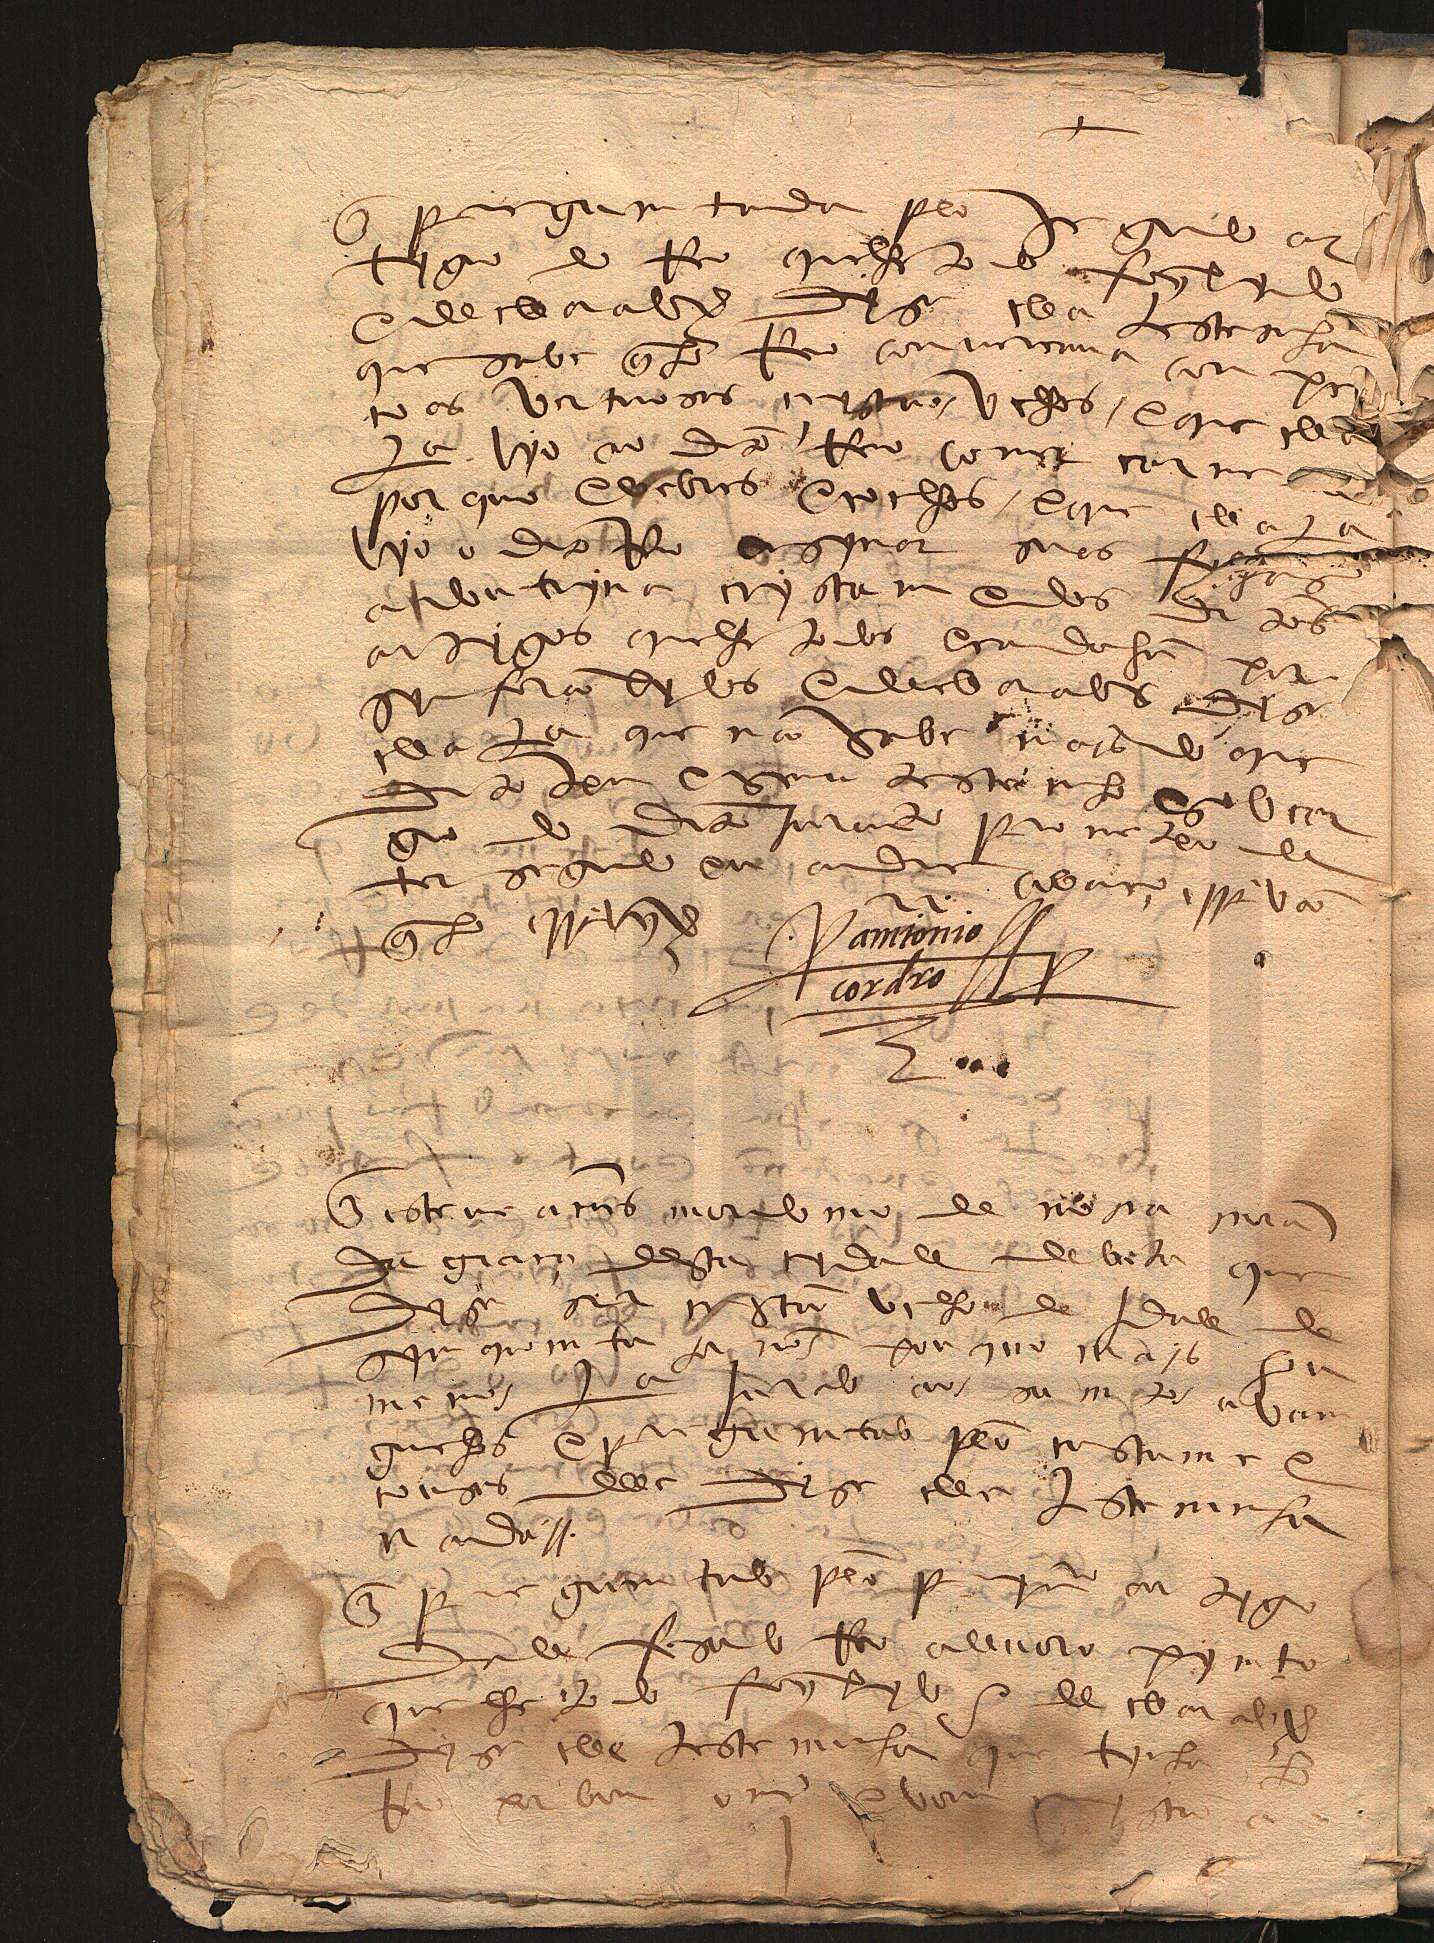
item pergumtada plō segundo ar
tyguo do Reo que lhe todo foy lydo
e decllarado . dyse ella testemunha
que sabe q̄ ho Reo conuercaua com pe
coas vertuosas crystaõs velhos / e que ella
ta vyo ao dito Reo comer carne
porquo e llebres e coelhos / E que ella ta
vyo o ditō Reo ensynar suas fi_has
a doutryna crystam e dos ditos
artygos que lhe todos e cada hū por
sy foraõ lydos e decllarados dyse
ella ta que naõ sabe mais do que
dito tem e seu testemho e sob car
guo do ditō Juramto prometeo de
ter segredo eu andre colaço esp̄ivaõ
q̄ ho esp̄ivy
item esteue an̄es mordomo de nossa snorā
da graça desta cydade de beJa que
dyse ser cristaõ velho de Jdade de
synquoenta anōs pouquo majs hou
menos ta Jurado aos samtos avam
guelhos e pregumtado plō custume e
cousas dele dyse elle testemuha
nada .//.
item pregumtado plō prymro artygo
da defesa do Reo alluoro pymto
que lhe todo foy lydo e decllarado .
dyse elle testemuha que tynha ho
Reo por bom omē e bom crystaõ a
